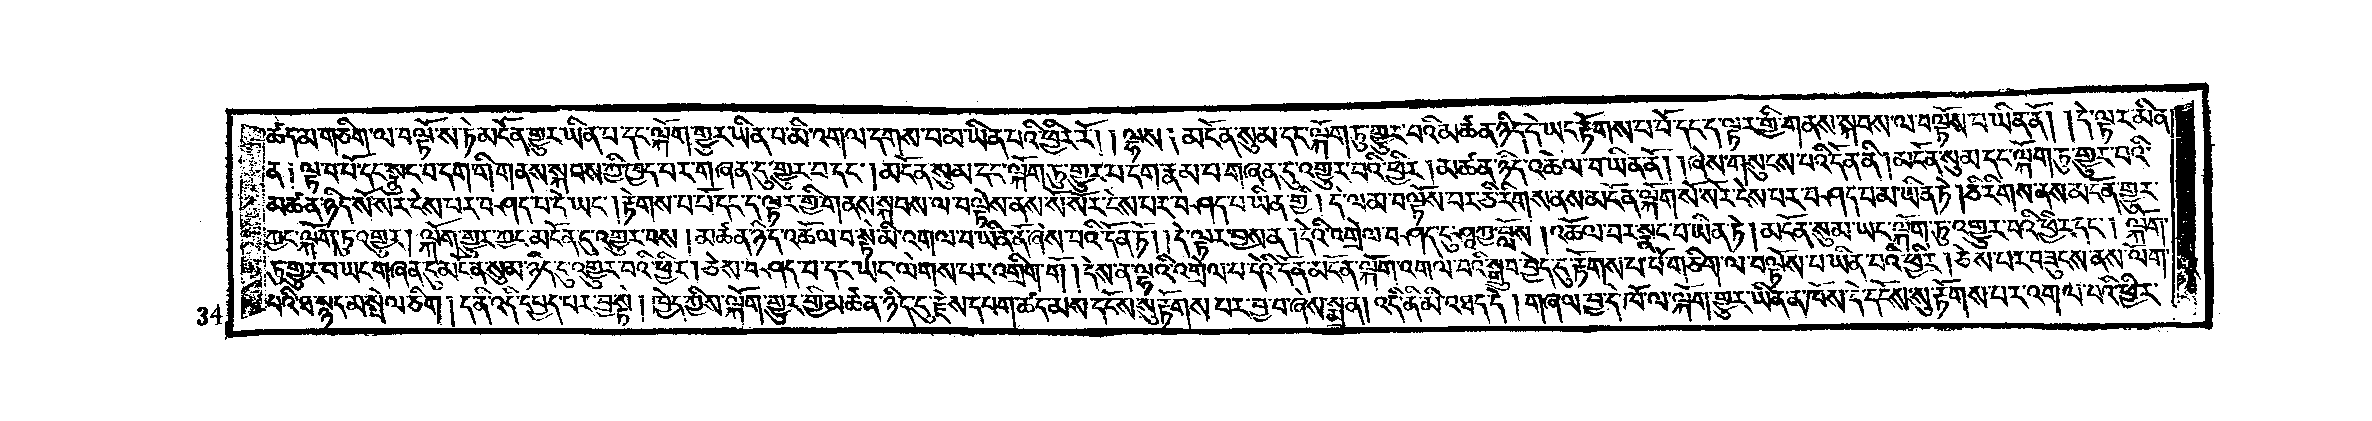ཚད་མ་གཅིག་ལ་བལྟོས་ཏེ་མངོན་གྱུར་ཡིན་པ་དང་ལྐོག་གྱུར་ཡིན་པ་མི་འགལ་དགོས་པ་མ་ཡིན་པའི་ཕྱིར་རོ། །ལྷས། མངོན་སུམ་དང་ལྐོག་ཏུ་གྱུར་པའི་མཚན་ཉིད་དེ་ཡང་རྟོགས་པ་པོ་?་དང་ད་ལྟར་གྱི་གནས་སྐབས་ལ་བལྟོས་པ་ཡིན་ནོ། །དེ་ལྟར་མིན་
ན། ལྟ་བ་པོ་དང་སྣང་བ་དག་གི་གནས་སྐབས་ཀྱི་ཁྱད་པར་གཞན་དུ་གྱུར་པ་དང་། མངོན་སུམ་དང་ལྐོག་ཏུ་གྱུར་པ་དག་རྣམ་པ་གཞན་དུ་འགྱུར་བའི་ཕྱིར། མཚན་ཉིད་འཚལ་བ་ཡིན་ནོ། །ཞེས་གསུངས་པའི་དོན་ནི། མངོན་སུམ་དང་ལྐོག་ཏུ་གྱུར་པའི་
མཚན་ཉིད་སོ་སོར་ངེས་པར་བཤད་པ་དེ་ཡང་། རྟོགས་པ་པོ་དང་ད་ལྟར་གྱི་གནས་སྐབས་ལ་བལྟོས་ནས་སོ་སོར་ངེས་པར་བཤད་པ་ཡིན་གྱི། དེ་ལ་མ་བལྟོས་པར་ཅི་རིགས་ནས་མངོན་ལྐོག་སོ་སོར་ངེས་པར་བཤད་པ་མ་ཡིན་ཏེ། ཅི་རིགས་ནས་མངོན་གྱུར་
ཀྱང་ལྐོག་ཏུ་འགྱུར། ལྐོག་གྱུར་ཀྱང་མངོན་དུ་འགྱུར་བས། མཚན་ཉིད་འཆོལ་བ་སྟེ་མི་འགལ་བ་ཡིན་ནོ་ཞེས་པའི་དོན་ཏོ། །དེ་ལྟར་བྱས་ན། དེའི་འགྲེལ་བཤད་དུ་ཤཱཀྱ་བློས། འཚལ་བར་སྣང་བ་ཡིན་ཏེ། མངོན་སུམ་ཡང་ལྐོག་ཏུ་འགྱུར་བའི་ཕྱིར་དང་། ལྐོག་
ཏུ་གྱུར་བ་ཡང་གཞན་དུ་མངོན་སུམ་ཉིད་དུ་འགྱུར་བའི་ཕྱིར། ཅེས་བཤད་པ་དང་ཡང་ལེགས་པར་འགྲིག་གོ། དེས་ན་ལྷའི་འགྲེལ་པ་དེའི་དོན་མངོན་ལྐོག་འགལ་བའི་སྒྲུབ་བྱེད་དུ་རྟོགས་པ་པོ་གཅིག་ལ་བལྟོས་པ་ཡིན་པའི་ཕྱིར། ཅེས་པར་བཟུངས་ནས་ལོག་
པའི་ཐ་སྙད་མ་སྤེལ་ཅིག །ད་ནི་འདི་དཔྱད་པར་བྱ་སྟེ། ཁྱེད་ཀྱིས་ལྐོག་གྱུར་གྱི་མཚན་ཉིད་དུ་རྗེས་དཔག་ཚད་?་མས་དངོས་སུ་རྟོགས་པར་བྱ་བ་ཞེས་སྨྲ་ན། འདི་ནི་མི་འཐད་དེ། གཞལ་བྱ་དེ་ཁོ་ལ་ལྐོག་གྱུར་ཡིན་ན་ཁོ་ས་?་དེ་དངོས་སུ་རྟོགས་པར་འགལ་པའི་ཕྱིར་